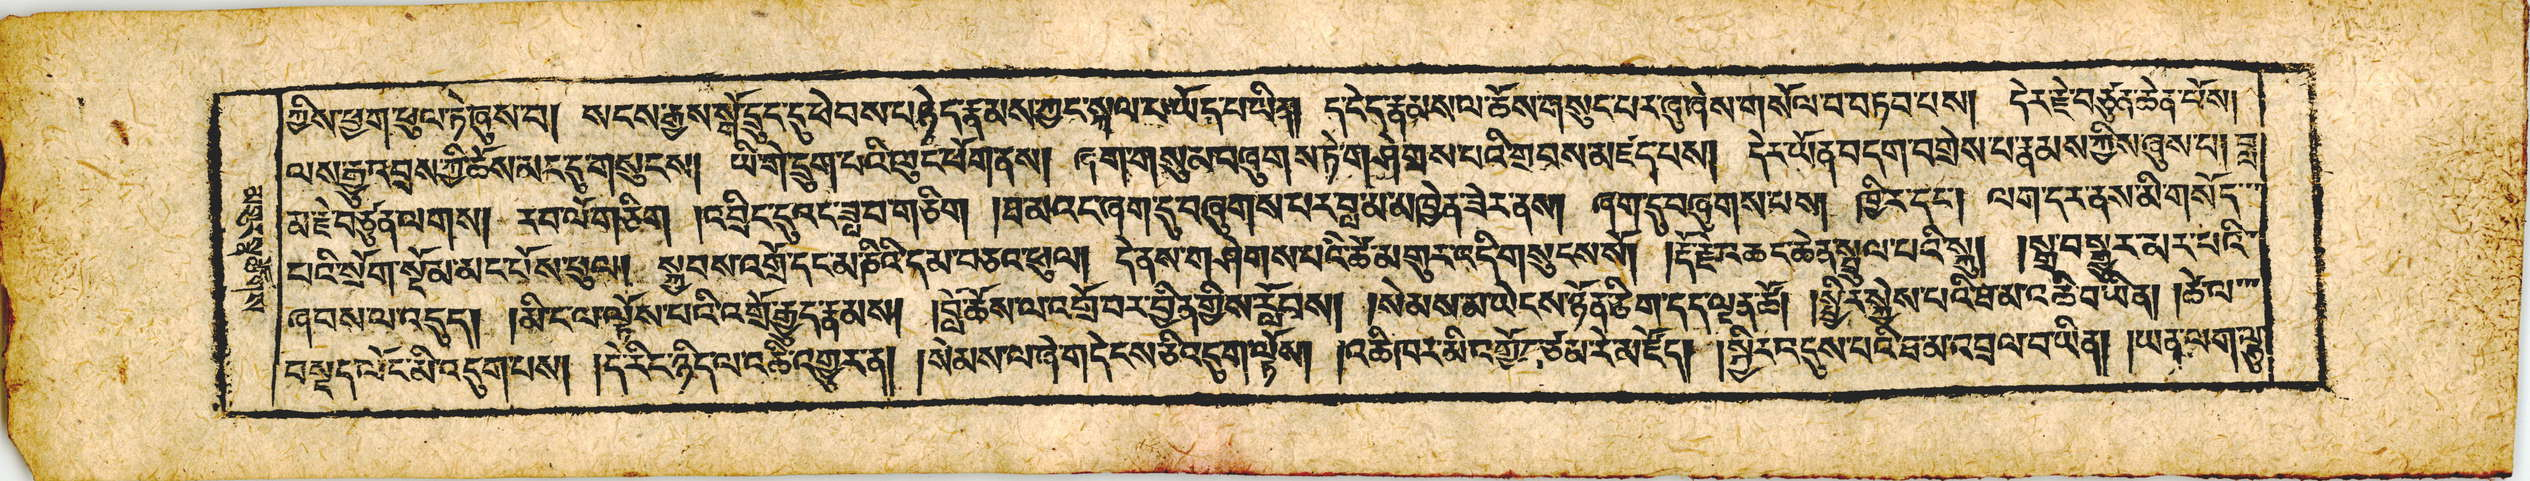ཀྱིས་ཕྱག་ཕུལ་ཏེ་ཞུས་པ། སངས་རྒྱས་སྒོ་དྲུང་དུ་ཕེབས་པ་ཉེད་རྣམས་ཀྱང་སྐལ་པ་ཡོད་པ་ཡིན། ད་ངེད་རྣམས་ལ་ཆོས་གསུང་པར་ཞུ་ཞེས་གསོལ་བ་བཏབ་པས། དེར་རྗེ་བཙུན་ཆེན་པོས། 
ལས་རྒྱུ་་འབྲས་ཀྱི་ཆོས་མང་དུ་གསུངས། ཡི་གེ་དྲུག་པའི་ལུང་ཕོག་ནས། ཞག་གསུམ་བཞུགས་ཏེ་གཤེགས་པའི་གྲབས་མཛད་པས། དེར་ཡོན་བདག་བགྲེས་པ་རྣམས་ཀྱིས་ཞུས་པ། བླ་
མ་རྗེབཙུན་ལགས། རབ་ལོ་གཅིག །འབྲིང་དུའང་ཟླ་བ་གཅིག །ཐ་མའང་ཞག་དུ་བཞུགས་པར་བླ་མ་མཁྱེན་ཟེར་ནས། ཞག་དབཞུགས་པས། ཁྱི་ར་དང་། ལག་དར་ནས་མི་གསོད་
པའི་སྲོག་སྡོམ་མང་པོ་ཕུལ། སྐྱབས་འགྲོ་དང་མ་ཎིའི་དམ་བཅའ་ཕུལ། དེ་ནས་གཤེགས་པའི་ཚེ་མགུར་འདི་གསུངས་སོ། །རྡོ་རྗེ་འཆང་ཆེན་སྤྲུལ་པའི་སྐུ། །སྒྲ་བསྒྱུར་མར་པའི་
ཞབས་ལ་འདུད། །མི་ང་ལ་ལྟོས་པའི་འགྲོ་རྒྱུད་རྣམས། །བློ་ཆོས་ལ་འགྲོ་བར་བྱིན་གྱིས་རློབས། །སེམས་མ་ཡེངས་ཉོན་ཅིག་དད་ལྡན་ཚོ། །སྤྱིར་སྐྱེས་པའི་ཐ་མ་འཆི་བ་ཡིན། །ཚེ་ལ་
བསྡད་ལོང་མི་འདུག་པས། །དེ་རིང་ཉིད་ལ་འཆི་འགྱུར་ན། །སེམས་ལ་ཞེ་གདེངས་ཅི་འདུག་ལྟོས། །འཆི་ཁར་མི་འགྱོད་ཙམ་རེ་མཛོད། །སྤྱིར་འདུས་པའི་ཐ་མ་འབྲལ་བ་ཡིན། །ཡན་ལག་ལྷུ་